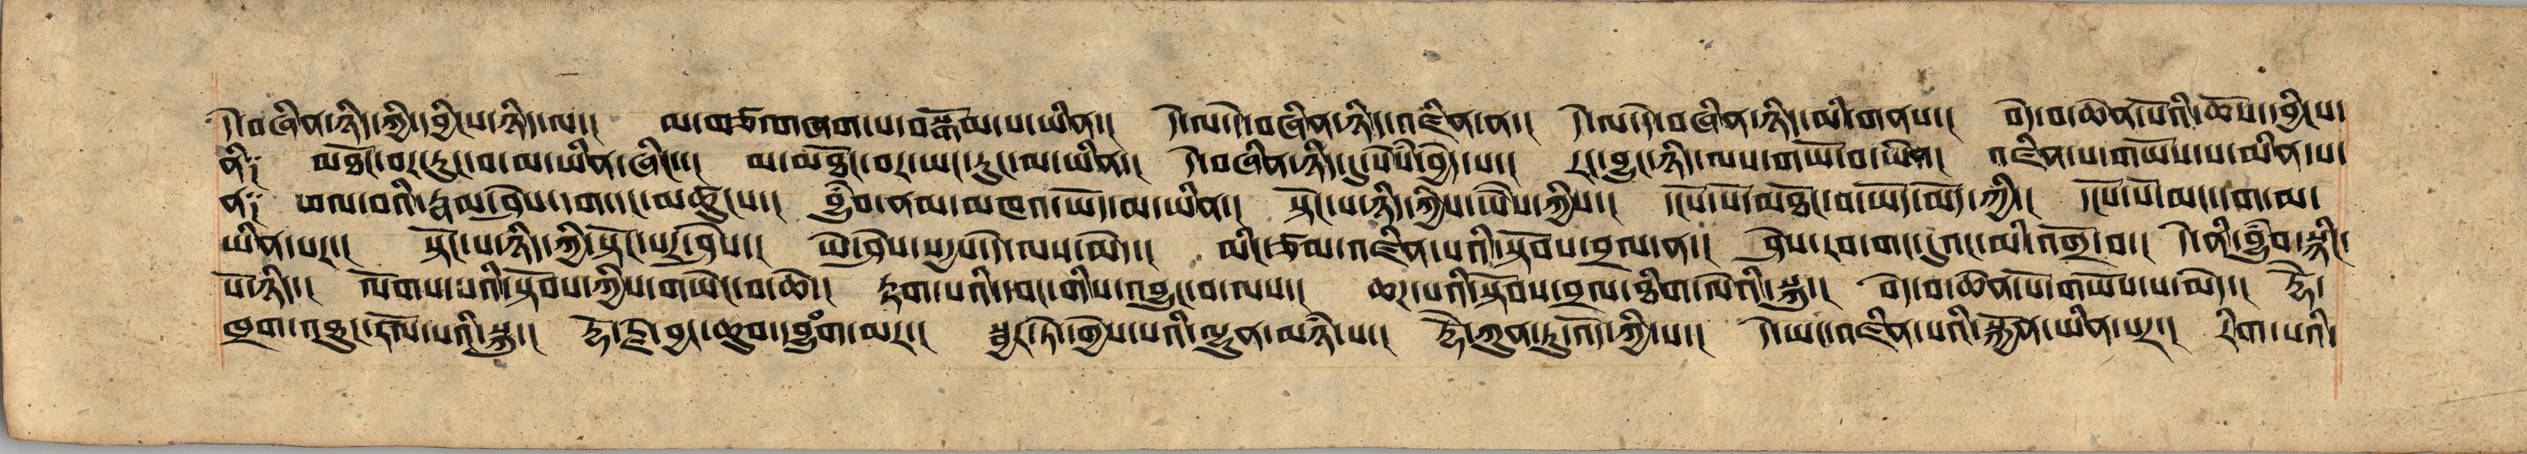དེ་བཞིན་ཉིད་ཀྱི་དབྱིངས་ཉིད་ལ་། མ་བརྩལ་གཞག་པ་བསྒོམ་པ་ཡིན་། དེ་ལ་དེ་བཞིན་ཉིད་འཛིན་ན་། དེ་ལ་དེ་བཞིན་ཉིད་མི་གནས་། བདེ་བ་ཆེན་པོའི་ཆོས་དབྱིངས་
ནི༑ མཐོང་བར་རུང་བ་མ་ཡིན་ཞིང་་། མ་མཐོང་བར་ཡང་རུང་མ་ཡིན་། དེ་བཞིན་ཉིད་དུ་སེཾས་བྱེད་པ་། རང་བྱུང་ཉིད་ལས་གཡོ་བ་ཡིན་། འཛིན་པ་གཡོས་པ་མིན་པ།
ན༑ ཕལ་བའི་རྣམ་ཤེས་དག་དང་མཚུངས་། བྱུཾབ་ནམ་མཁའ་ཡོད་མ་ཡིན་། སྟོང་པ་ཉིད་ཀྱིས་ཡཻས་ཀྱིས་། དངོས་པོ་མཐོང་བ་ཡོད་མོད་ཀྱི་། དངོས་པོ་མང་དག་མ་
ཡིན་པར་། སྟོང་པ་ཉིད་ཀྱི་སྟོང་པར་ཤེས་། ཡེ་ཤེས་སདྱས་དེ་ལས་མེད་། མིང་ཙམ་འཛིན་པའི་སྟོབས་བྲལ་ན་། ཤེས་རབ་གང་དུའང་མི་འགྲོ་བ་། དེ་ནི་བྱུཾབ་སྙིང་
པོ་ཉིད་། ལོགས་པའི་སྟོབས་ཀྱིས་གཡེང་བ་ཆེ་། རྟག་པའི་དབང་གིས་འབྱུང་བ་ལས་། ཆཌ་པའི་སྟོབས་བྲལ་ཐིག་ལེའི་སྐུ་། བདེ་བ་ཆེན་པོ་གཡོས་པ་མེད་། རྡོེ་
ཁྲག་འཐུང་རོལ་པའི་སྐུ་། རྡོ་རྗེ་བྱང་ཆུབ་དབྱུཾག་མར་། སྦྱར་ཏེ་དགྱེས་པའི་ལྷུན་མཉཾ་པ་། རྡོེ་ཀུན་རུ་འོད་ཀྱི་ས་། དེ་ཡང་འཛིན་པའི་སྐྱོན་ཡིན་པར་། རིག་པའི་